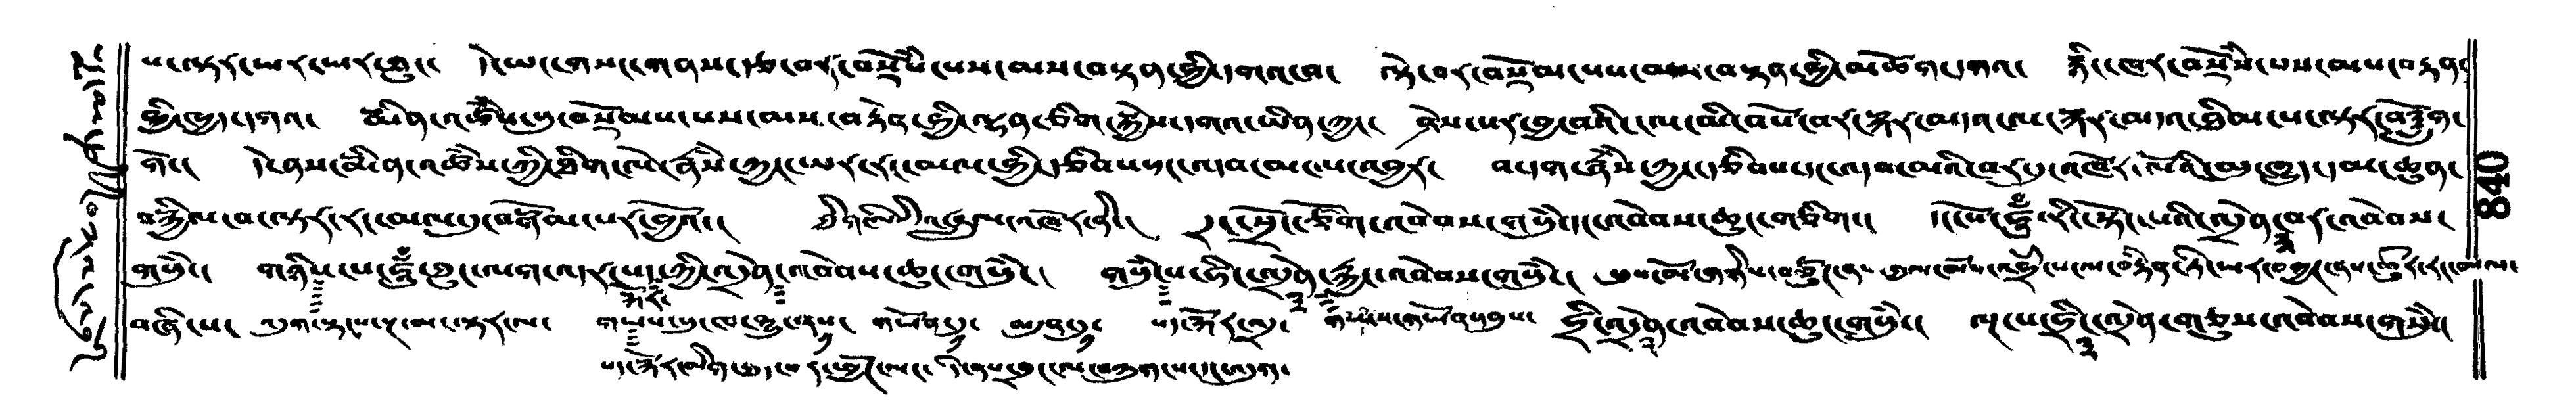པ་ལྟར་ཡར་ཡར་ཐུང་། དེ་ཡང་གསང་གནས་རྩ་བར་བསྡོམས་པས་མས་བརྟན་གྱི་དགའ་བ། ལྟེ་བར་བསྡོམ་པས་མས་བརྟན་གྱི་མཆོག་དགའ། སྙིང་ཁར་བསྡོམས་པས་མས་བརྟན་
གྱི་ཁྱད་དགའ། སྨིན་མཚམས་སུ་བསྡོམ་པས་མས་བརྟན་གྱི་ལྷན་ཅིག་སྐྱེས་དགའ་ཡིན་ཀྱང་། ཤེས་པར་བྱ་བ་ངལ་མི་གསོ་བར་སྐར་མདའ་ལ་སྐར་མདའ་ཐིམ་པ་ལྟར་བཟློག་
གོ དེ་ནས་སྨིན་མཚམས་ཀྱི་ཐིག་ལེ་རྣམས་ཀྱང་ཡར་རང་མལ་གྱི་རྩིབས་དང་འདབ་མ་ལ་འབྱར། བ་དག་རྣམས་ཀྱང་རྩིབས་དང་འདབ་མའི་བར་དུ་འཁོར་ལོའི་མུ་ཁྱུད་དམ་ཆུན་
བསྐྱིལ་བ་ལྟར་རང་མལ་དུ་བསྒོམ་པར་བྱའོ། ཐིག་ལེའི་འཁྲུལ་འཁོར་ནི། དྲང་སྲོང་ཙོག་འབེབས་གསུམ་དང་འབེབས་ཆུང་གཅིག དང་པོ་ཧཱུྃ་རིང་སྟོང་པའི་འདྲེན་གསུམ་བར་འབེབས་
གསུམ། གཉིས་པ་ཧཱུྃ་ཐུང་ལག་འདར་པད་སྐོར་གྱི་འདྲེན་འབེབས་ཆུང་གསུམ། གསུམ་པ་ཧིང་འདྲེན་རྐྱང་འབེབས་གསུམ། །
བཞི་པ་ཧྲིཾ་འདྲེན་འབེབས་ཆུང་གསུམ། །ལྔ་པ་ཧྲིཾ་འདྲེན་གཅུས་འབེབས་གསུམ།